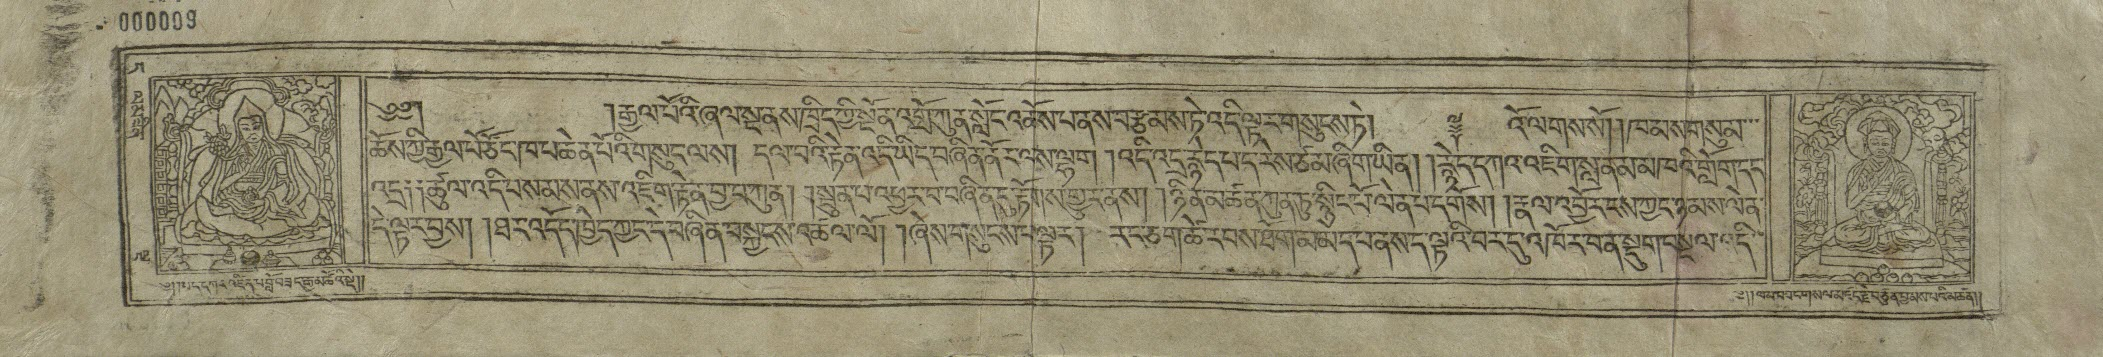་༄༅། །རྒྱལ་པོའི་ཞལ་སྔ་ནས་ཁྲིད་ཀྱི་སྔོན་འགྲོ་ཀུན་སློང་འཆོས་པ་ནས་བརྩམས་ཏེ་འདི་ལྟར་གསུངས་ཏེ། ༈ འོ་ལགས་སོ། །ཁམས་གསུམ་
ཆོས་ཀྱི་རྒྱལ་པོ་ཙོང་ཁ་པ་ཆེན་པོའི་གསུང་ལས། དལ་བའི་རྟེན་འདི་ཡིད་བཞིན་ནོར་ལས་ལྷག །འདི་འདྲ་རྙེད་པ་ད་རེས་ཙམ་ཞིག་ཡིན། །རྙེད་དཀའ་འཇིག་སླ་ནམ་མཁའི་གློག་དང་
འདྲ༑ ༑ཚུལ་འདི་བསམས་ནས་འཇིག་རྟེན་བྱ་བ་ཀུན། །སྦུན་པ་འཕྱར་བ་བཞིན་དུ་རྟོགས་གྱུར་ནས། །ཉིན་མཚན་ཀུན་ཏུ་སྙིང་པོ་ལེན་པ་དགོས། །རྣལ་འབྱོར་ངས་ཀྱང་ཉམས་ལེན་
དེ་ལྟར་བྱས། །ཐར་འདོད་ཁྱེད་ཀྱང་དེ་བཞིན་བསྐྱངས་འཚལ་ལོ། །ཞེས་གསུངས་པ་ལྟར། རང་ཅག་ཚེ་རབས་ཐོག་མ་མེད་པ་ནས་ད་ལྟའི་བར་དུ་འཁོར་བ་ན་སྡུག་བསྔལ་འདི་